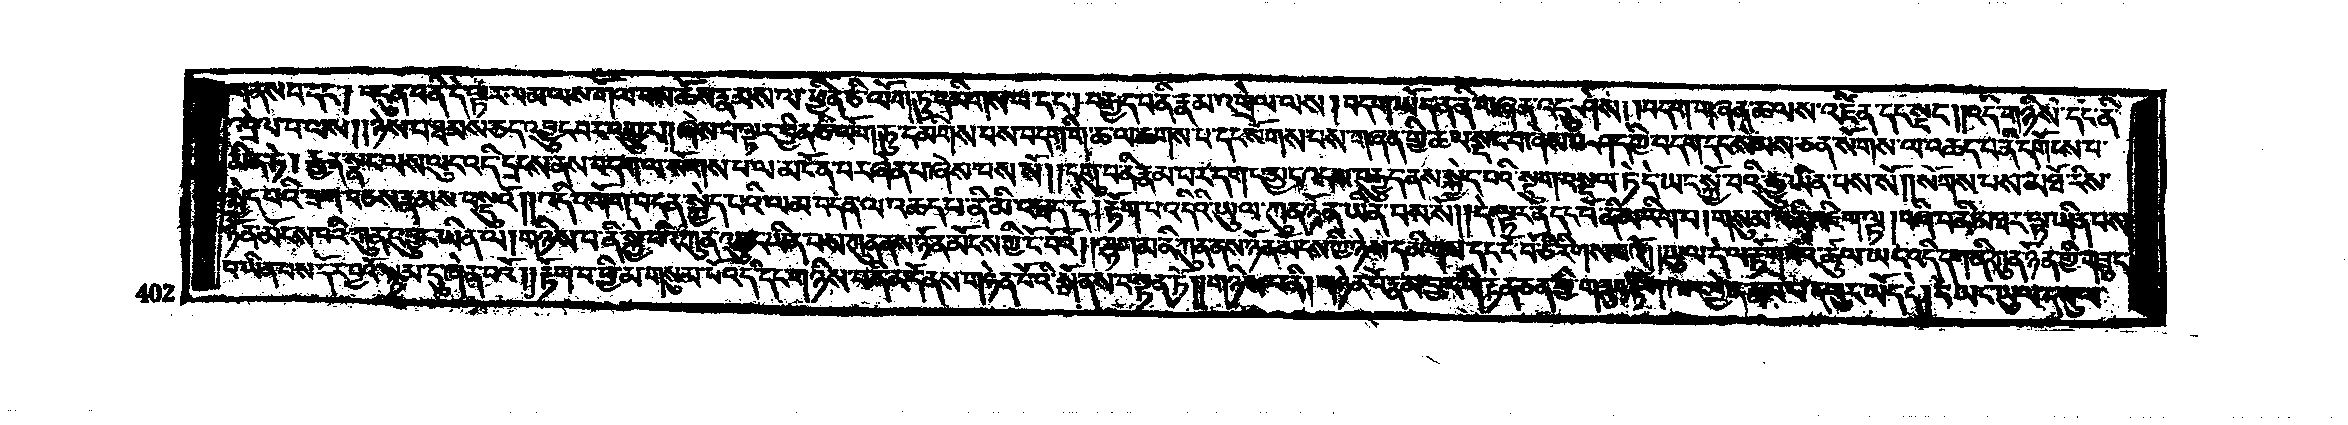གནས་པ་དང་། བདུན་པ་ནི་དེ་ལྟར་ལམ་ལས་གོལ་བས་ཆོས་རྣམས་ལ་ཕྱིན་ཅི་ལོག་ཏུ་དམིགས་པ་དང་། བརྒྱད་པ་ནི་རྣམ་འགྲེལ་ལས། བདག་ཡོད་ན་ནི་གཞན་འདུ་ཤེས། །བདག་གཞན་ཆ་ལས་འཛིན་དང་སྡང་། །འདི་གཉིས་དང་ནི་
འབྲེལ་པ་ལས། །ཉེས་པ་ཐམས་ཅད་འབྱུང་བར་འགྱུར། །ཞེས་པ་ལྟར་ཕྱིན་ཅི་ལོག་ཏུ་དམིགས་པས་བདག་གི་ཆ་ལ་ཆགས་པ་དང་སོགས་པས་གཞན་གྱི་ཆ་ལ་སྡང་བ་ཞེས་བཤད་ཀྱི་བདག་དང་སེམས་ཅན་སོགས་ལ་འཆད་པ་ནི་དགོངས་པ་
མིན་ཏེ། རྒྱན་སྣང་ལས་ལུང་འདི་དྲངས་ནས་བདག་ལ་སོགས་པ་ལ་མངོན་པར་ཞེན་པ་ཞེས་པས་སོ། །དགུ་པ་ནི་རྣམ་པར་དག་པ་མྱང་འདས་བརྒྱུད་ནས་སྐྱེད་པའི་སྡུག་བསྔལ་ཏེ་དེ་ཡང་སྐྱོ་བའི་རྒྱུ་ཡིན་པས་སོ། །སོགས་པས་མཐོ་རིས་
སྐྱེད་པའི་ཟག་བཅས་རྣམས་བསྡུའོ། །འདི་འགོག་བདེན་སྐྱེད་པའི་ལམ་བདེན་ལ་འཆད་པ་ནི་མི་འཐད་དེ། རྟོག་པ་འདིའི་ཡུལ་ཀུན་ཉོན་ཡིན་པས་སོ། །དེ་ལྟར་ན་དང་པོ་ནི་མ་རིག་པ། གསུམ་པ་ནི་འཇིག་ལྟ། བཞི་པ་ནི་མཐར་ལྟ་ཡིན་པས་
ཉོན་མོངས་པའི་ཀུན་འབྱུང་ཡིན་ལ། གཉིས་པ་ནི་སྐྱེ་བའི་ཀུན་འབྱུང་ཡིན་པས་ཀུན་ནས་ཉོན་མོངས་ཀྱི་ངོ་བོའོ། །ལྷག་མ་ནི་ཀུན་ནས་ཉོན་མོངས་ཀྱི་ཉེས་དམིགས་དང་ངོ་བོ་ཅི་རིགས་པའོ། །ཡུལ་དེ་ལ་རྟོག་པའི་ཚུལ་ཡང་འདི་དག་ནི་ཀུན་ཉོན་གྱི་གཟུང་
བ་ཡིན་པས་དོར་བྱའོ་སྙམ་དུ་ཞེན་པའོ། །རྟོག་པ་ཕྱི་མ་གསུམ་པོ་འདི་དང་གཉིས་པ་ནི་མདོ་ནས་གཉེན་པོའི་སྒོ་ནས་བསྟན་ཏོ། །གཉིས་པ་ནི། གཉེན་པོ་རྣམ་བྱང་གི་རྟེན་ཅན་གྱི་གཟུང་རྟོག་ལ་དབྱེ་ན་རྣམ་པ་དགུར་ཡོད་དེ། དེ་ཡང་ཡུལ་དགུ་ལ་